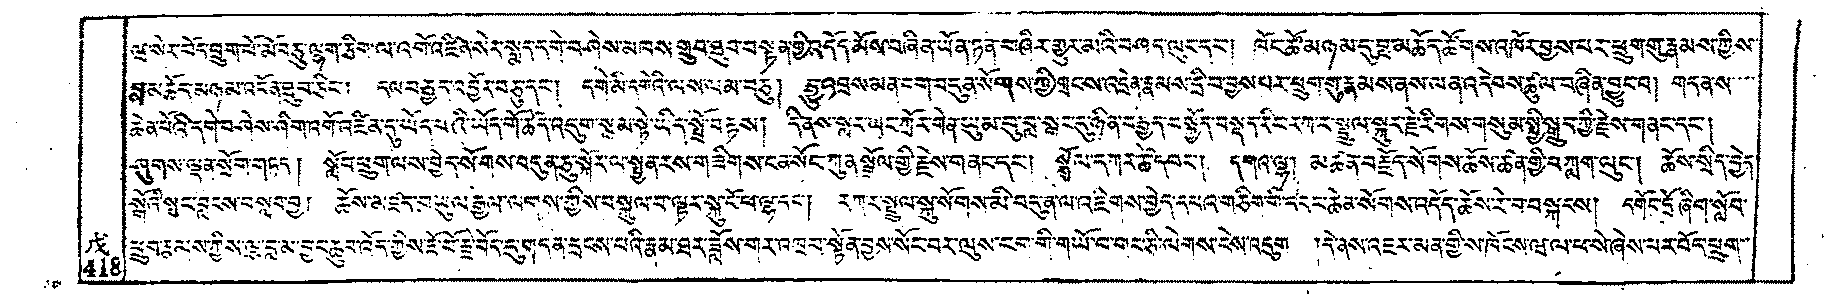ཝ་སེར་བོད་ཕྲུག་ཕོ་མོ་བཅུ་ལྷག་ཅིག་ལ་འགོ་འཛིན་སེར་སྨད་དགེ་བཤེས་མཁས་གྲུབ་ཐུབ་བསྟན་གྱི་འདོད་མོས་བཞིན་ཡོན་ཏན་གཞིར་གྱུར་མའི་བཤད་ལུང་དང་། ཁོང་ཚོ་མཉམ་དུ་བླ་མཆོད་ཚོགས་འཁོར་བྱས་པར་ཕྲུག་གུ་རྣམས་ཀྱིས་
བླ་མཆོད་མཉམ་འདོན་ཐུབ་ཅིང་། དལ་བརྒྱད་འབྱོར་བཅུ་དང་། དགེ་མི་དགེའི་ལས་ལམ་བཅུ། རྒྱུ་འབྲས་མན་ངག་བདུན་སོགས་ཀྱི་གྲངས་འདྲེན་རྣམས་དྲི་བ་བྱས་པར་ཕྲུག་གུ་རྣམས་ནས་ལན་འདེབས་ཚུལ་བཞིན་བྱུང་བ། གདན་ས་
ཆེན་པོའི་དགེ་བཤེས་ཤིག་འགོ་འཛིན་དུ་ཡོད་པའི་ཡོད་གོ་ཆོད་འདུག་སྙམ་སྟེ་ཡིད་སྤྲོ་བརྟས། དི་ནས་སླར་ཡང་ཀྲོར་གེན་ཡུམ་བུ་བླ་སྒང་དུ་ཉིན་བརྒྱད་བསྐྱོད་བསྡད་རིང་རག་ར་སྤྲུལ་སྐུར་རྗེ་རིགས་གསུམ་སྤྱི་སྒྲུབ་ཀྱི་རྗེས་གནང་དང་།
ཤུགས་ལྡན་སྲོག་གཏད། སློབ་ཕྲུག་ལས་བྱེད་སོགས་བདུན་ཅུ་སྐོར་ལ་སྤྱན་རས་གཟིགས་ངན་སོང་ཀུན་སྒྲོལ་གྱི་རྗེས་གནང་དང་། སྒྲོལ་དཀར་ཚེ་དབང་། དགའ་ལྷ། མཚན་བརྗོད་སོགས་ཆོས་ཚན་གྱི་བཀླག་ལུང་། ཆོས་སྲིད་བྱེད་
སྒོའི་སྤང་བླངས་བསླབ་བྱ། ཆོས་མཛད་གཡུལ་རྒྱལ་ལགས་ཀྱིས་བསྐུལ་བ་ལྟར་སྐུ་ངོ་ཕ་ལྷ་དང་། རག་ར་སྤྲུལ་སྐུ་སོགས་མི་བདུན་ལ་འཇིགས་བྱེད་དཔའ་གཅིག་གི་དབང་ཆེན་སོགས་འདོད་ཆོས་རེ་བ་བསྐངས། དགོང་དྲོ་ཞིག་སློབ་
ཕྲུག་རྣམས་ཀྱིས་ལྷ་བླ་མ་བྱང་ཆུབ་འོད་ཀྱིས་ཇོ་བོ་རྗེ་བོད་དུ་གདན་དྲངས་པའི་རྣམ་ཐར་ཟློས་གར་འཁྲབ་སྟོན་བྱས་སོང་བར་ལུས་ངག་གི་གཡོ་བ་གང་ཅི་ལེགས་ངེས་འདུག །དེ་ནས་འཇར་མན་གྱིས་ཁོངས་ཝལ་ཕ་སེ་ཞེས་པར་བོད་ཕྲུག་